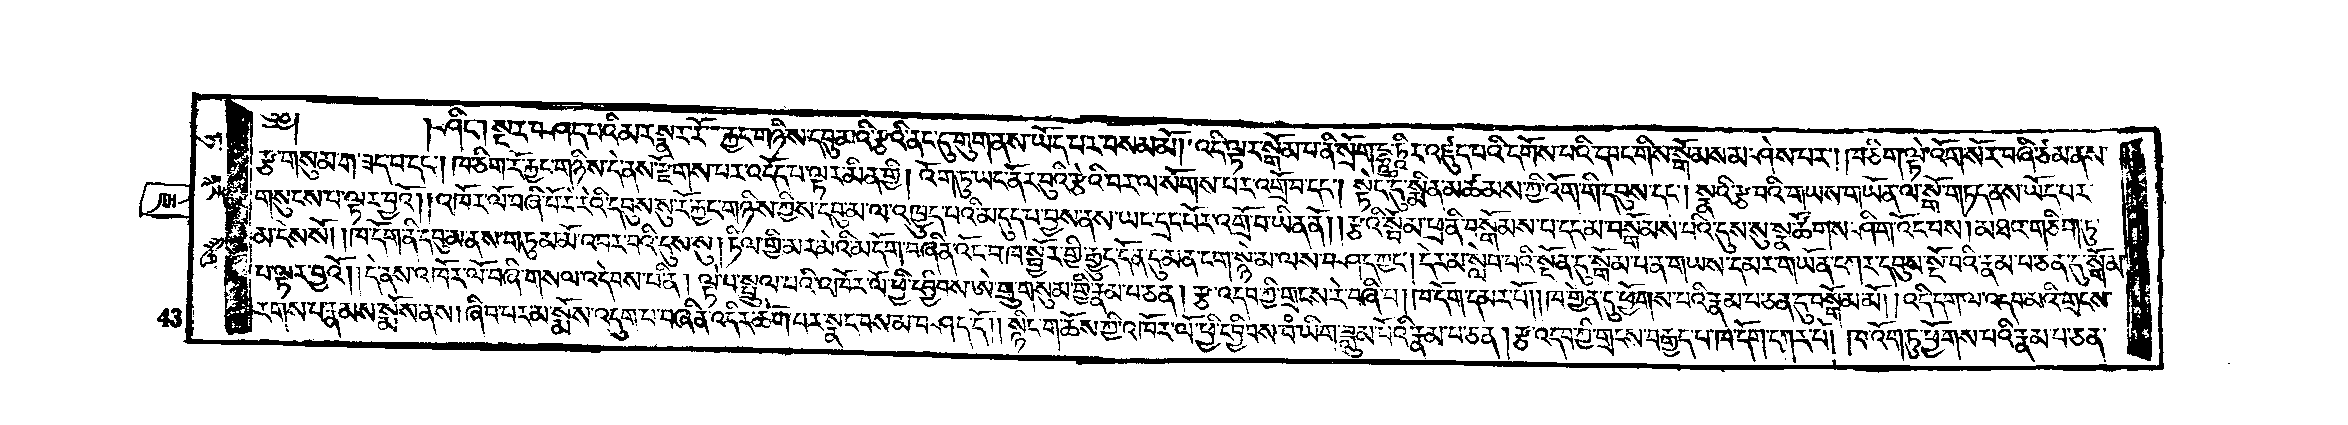༄༅། །ཤིང་། སྔར་བཤད་པའི་མར་སྣར་རོ་རྐྱང་གཉིས་དབུ་མའི་རྩའི་ནང་དུ་གུག་ནས་ཡོད་པར་བསམ་མོ། །འདི་ལྟར་སྒོམ་པ་ནི་སྲོག་དྷཱུ་ཏཱིར་འཛུད་པའི་དགོས་པའི་དབང་གིས་སྒོམས་མ་ཤེས་པར། ཁ་ཅིག་ལྟེ་འོག་སོར་བཞི་ཙམ་ནས་
རྩ་གསུམ་ག་ཟད་པ་དང་། ཁ་ཅིག་རོ་རྐྱང་གཉིས་དེ་ནས་རྫོགས་པར་འདོད་པ་ལྟར་མིན་གྱི། འོག་ཏུ་ཡང་ནོར་བུའི་རྩེའི་བར་ལ་སོགས་པར་འགྲོ་བ་དང་། སྟེང་དུ་སྨིན་མཚམས་ཀྱི་འོག་གི་དབུས་དང་། སྣའི་རྩ་བའི་གཡས་གཡོན་ལ་སྒོ་གཏད་ནས་ཡོད་པར་
གསུངས་པ་ལྟར་བྱའོ། །འཁོར་ལོ་བཞི་པོ་རེ་རེའི་དབུས་སུ་རོ་རྐྱང་གཉིས་ཀྱིས་དབུ་མ་ལ་འཁྱུད་པའི་མདུད་པ་བྱས་ནས་ཡང་དྲང་པོར་འགྲོ་བ་ཡིན་ནོ། །རྩའི་སྦོམ་ཕྲ་ནི་བསྒོམས་པ་དང་མ་བསྒོམས་པའི་དུས་སུ་སྣ་ཚོགས་ཤིག་འོང་བས། མཐའ་གཅིག་ཏུ་
མ་ངེས་སོ། །ཁ་དོག་ནི་དབུ་མ་ནས་གཏུམ་མོ་འབར་བའི་དུས་སུ། ཏིལ་གྱི་མར་མེའི་མདོག་བཞིན་འོང་བ་ཁ་སྦྱོར་གྱི་རྒྱུད་དོན་དུ་མན་ངག་སྙེ་མ་ལས་བཤད་ཀྱང་། དེར་མ་སླེབ་པའི་སྔོན་དུ་སྒོམ་པ་ནི་གཡས་དམར་གཡོན་དཀར་དབུས་སྔོ་བའི་རྣམ་པ་ཅན་དུ་སྒོམ་
པ་ལྟར་བྱའོ། །དེ་ནས་འཁོར་ལོ་བཞི་གསལ་འདེབས་པ་ནི། ལྟེ་བ་སྤྲུལ་པའི་འཁོར་ལོ་ཕྱི་དབྱིབས་ཨེ་གྲུ་གསུམ་གྱི་རྣམ་པ་ཅན། རྩ་འདབ་ཀྱི་གྲངས་རེ་བཞི་པ། ཁ་དོག་དམར་པོ། །ཁ་གྱེན་དུ་ཕྱོགས་པའི་རྣམ་པ་ཅན་དུ་བསྒོམ་མོ། །འདི་དག་ལ་འདབ་པའི་གྲངས་
རགས་པ་རྣམས་སྨོས་ནས། ཞིབ་པར་མ་སྨོས་འདུག་པ་བཞིན་འདིར་ཆོག་པར་སྣང་བསམ་བཤད་དོ། །སྙིང་ག་ཆོས་ཀྱི་འཁོར་ལོ་ཕྱི་དབྱིབས་བཾ་ཡིག་ཟླུམ་པོའི་རྣམ་པ་ཅན། རྩ་འདབ་ཀྱི་གྲངས་བརྒྱད་པ་ཁ་དོག་དཀར་པོ། ཁ་འོག་ཏུ་ཕྱོགས་པའི་རྣམ་པ་ཅན་